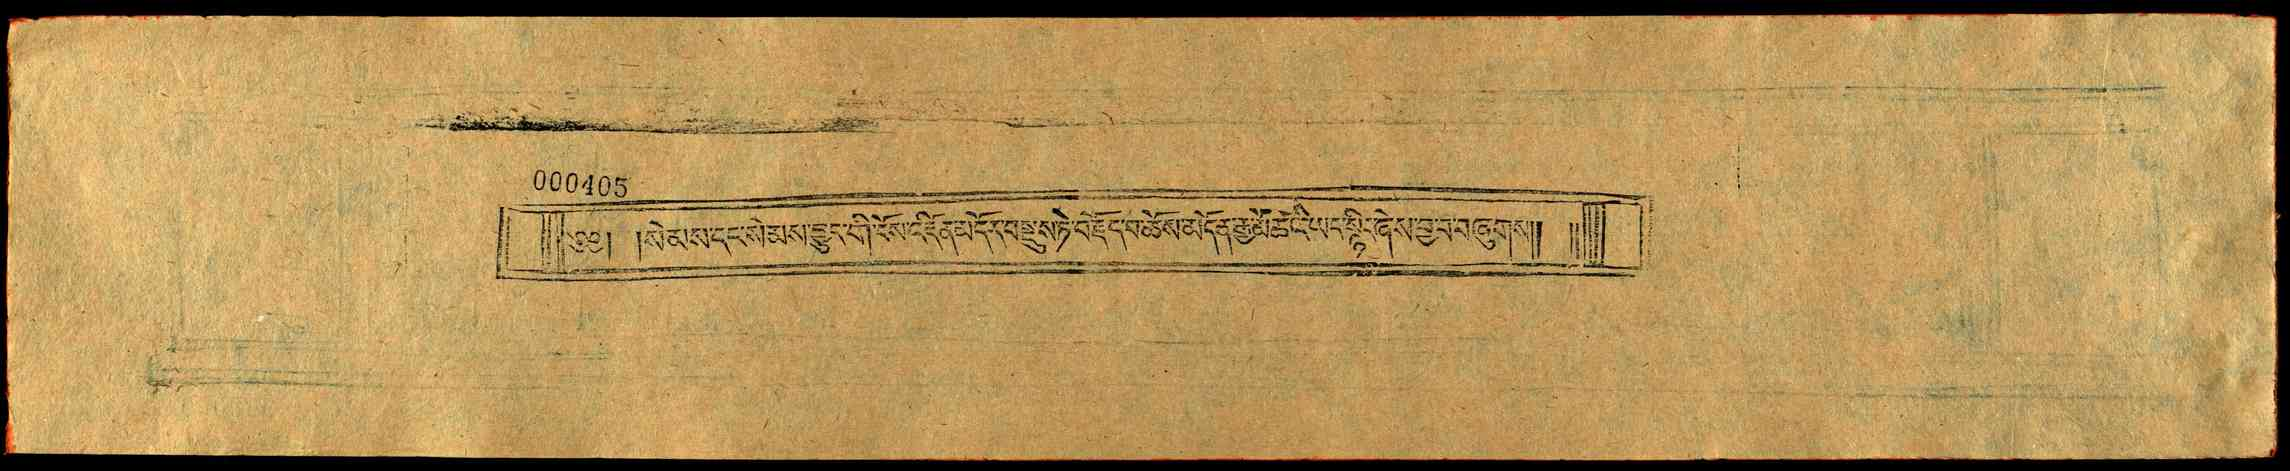༄༅། །སེམས་དང་སེམས་བྱུང་གི་ངོས་འཛིན་མདོར་བསྡུས་ཏེ་བརྗོད་པ་ཆོས་མངོན་རྒྱ་མཚོའི་ཡང་སྙིང་ཞེས་བྱ་བ་བཞུགས།། །།